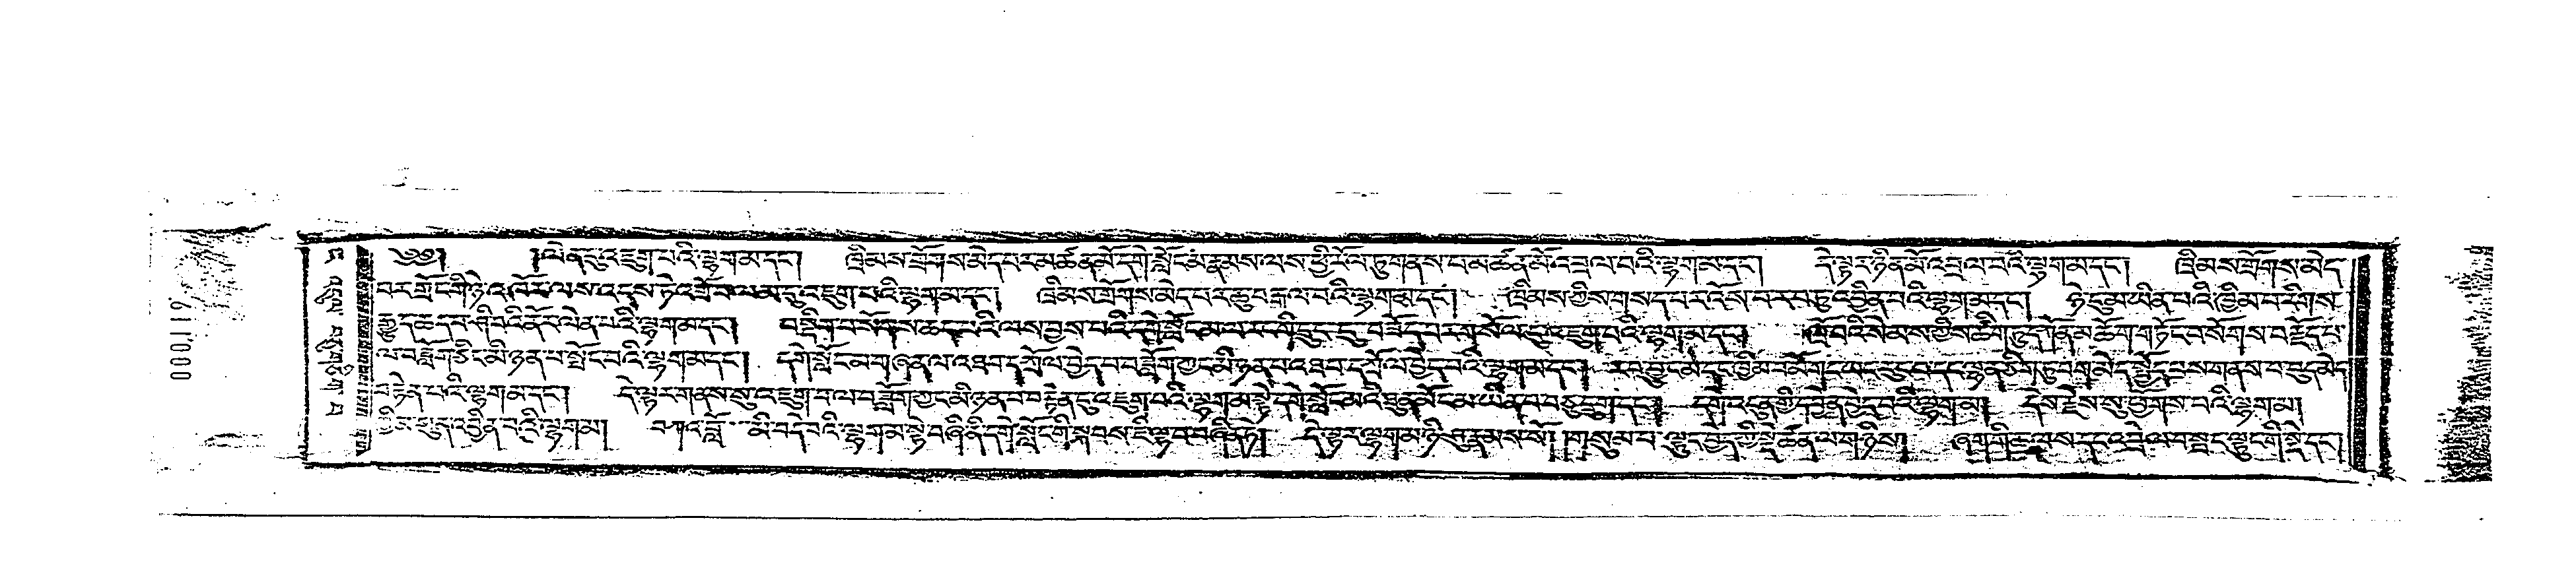༄༅། །ལེན་དུ་འཇུག་པའི་ལྷག་མ་དང་། ཁྲིམས་གྲོགས་མེད་པར་མཚན་མོ་དགེ་སློང་མ་རྣམས་ལས་ཕྱི་རོལ་ཏུ་གནས་པ་མཚན་མོ་འབྲལ་བའི་ལྷག་མ་དང་། དེ་ལྟར་ཉིན་མོ་འབྲལ་བའི་ལྷག་མ་དང་། ཁྲིམས་གྲོགས་མེད་
བར་གྲོང་གི་ཉེ་འཁོར་ལས་འདས་ཏེ་འགྲོ་བ་ལམ་དུ་འཇུག་པའི་ལྷག་མ་དང་། ཁྲིམས་གྲོགས་མེད་པར་ཆུ་བརྒལ་བའི་ལྷག་མ་དང་། ཁྲིམས་ཀྱིས་གསད་པར་འོས་པ་རབ་ཏུ་འབྱིན་པའི་ལྷག་མ་དང་། ཉེ་དུ་མ་ཡིན་པའི་ཁྱིམ་པ་རིགས་
རྒྱུད་ཆད་པ་ཤི་བའི་ནོར་ལེན་པའི་ལྷག་མ་དང་། བསྡིག་པ་སོགས་ཆད་པའི་ལས་བྱས་པའི་དགེ་སློང་མ་ལ་རང་གི་དྲུང་དུ་བཟོད་པར་གསོལ་དུ་འཇུག་པའི་ལྷག་མ་དང་། །ཁྲོ་བའི་སེམས་ཀྱིས་ཚིག་ཏུ་དཀོན་མཆོག་གཏོང་བ་སོགས་བརྗོད་པ་
ལ་བཟློག་ཅིང་མི་ཉན་པ་སྤོང་བའི་ལྷག་མ་དང་། དགེ་སློང་མ་གཞན་ལ་འཐབ་དཀྲོལ་བྱེད་པ་བཟློག་ཀྱང་མི་ཉན་པ་འཐབ་དཀྲོལ་བྱེད་པའི་ལྷག་མ་དང་། རབ་བྱུང་མེ་དང་ཁྱིམ་པ་མོ་གང་ཡང་རུང་བ་དང་ལྷན་ཅིག་ཏུ་བག་མེད་སྤྱོད་པས་གནས་པ་བུད་མེད་
བརྟེན་པའི་ལྷག་མ་དང་། དེ་ལྟར་གནས་སུ་འཇུག་པ་ལ་བཟློག་ཀྱང་མི་ཉན་པ་བརྟེན་དུ་འཇུག་པའི་ལྷག་མ་སྟེ་དགེ་སློང་མའི་ཐུན་མོང་མ་ཡིན་པ་བཅུ་དྲུག་དང་། དགེ་འདུན་གྱི་དབྱེན་བྱེད་པའི་ལྷག་མ། དེས་རྗེས་སུ་ཕྱོགས་པའི་ལྷག་མ།
ཁྱིམ་སུན་འབྱིན་པའི་ལྷག་མ། བཀའ་བློ་མི་བདེ་བའི་ལྷག་མ་སྟེ་བཞི་ནི་དགེ་སློང་གི་སྐབས་ཇི་ལྟ་བ་བཞིན་ཏེ། དེ་ལྟར་ལྷག་མ་ཉི་ཤུ་རྣམས་སོ། །གསུམ་པ་ལྟུང་བྱེད་ཀྱི་སྡེ་ཚན་ལ་གཉིས། ཞག་གི་ཆག་ལས་དང་འབྲེལ་བ་སྤང་ལྟུང་གི་སྡེ་དང་།